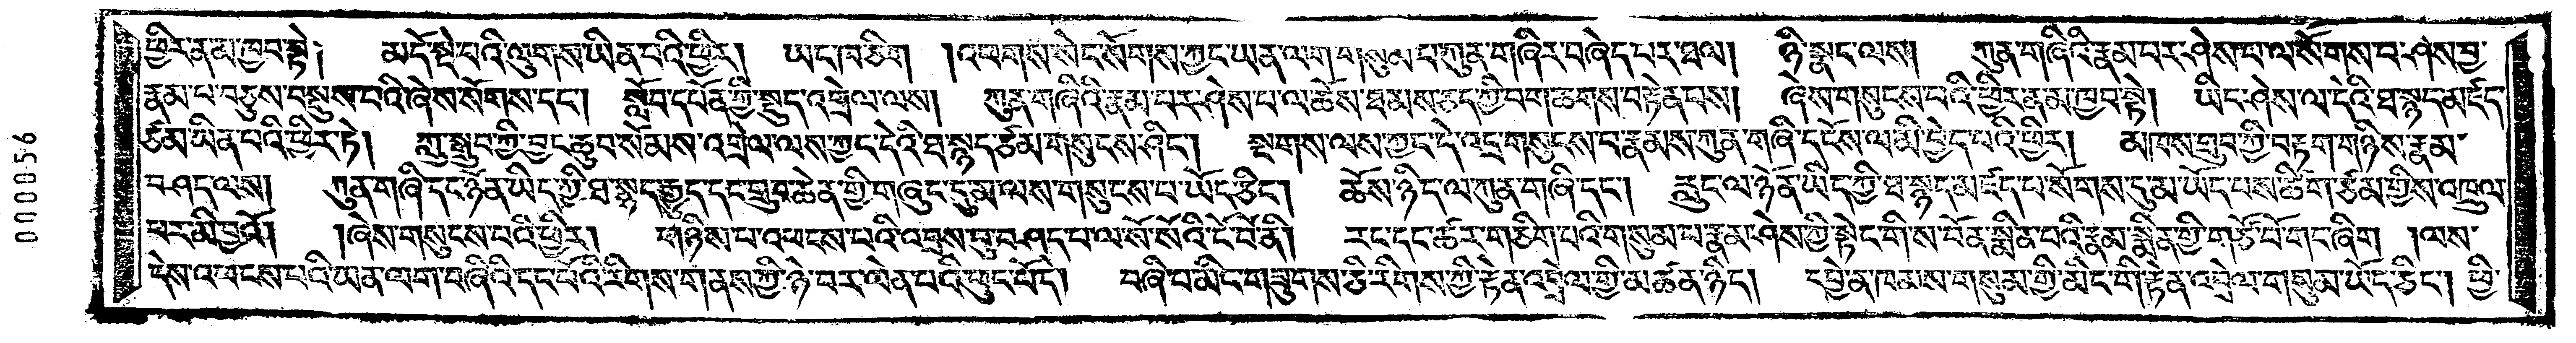ཕྱིར་ནམ་ཁྱབ་སྟེ། མདོ་སྡེ་བའི་ལུགས་ཡིན་པའི་ཕྱིར། ཡང་ཁ་ཅིག །འཕགས་སེང་སོགས་ཀྱང་ཡན་ལག་གསུམ་པ་ཀུན་གཞིར་བཞེད་པར་ཐལ། ཉི་སྣང་ལས། ཀུན་གཞིའི་རྣམ་པར་ཤེས་པ་ལ་སོགས་པ་ཤེས་བྱ་
རྣམ་པ་བཅུས་བསྡུས་པའི་ཞེས་སོགས་དང་། སློབ་དབོན་གྱི་སྡུད་འགྲེལ་ལས། ཀུན་གཞིའི་རྣམ་པར་ཤེས་པ་ལ་ཆོས་ཐམས་ཅད་ཀྱི་བག་ཆགས་བརྟེན་པས། ཞེས་གསུངས་པའི་ཕྱིར་ནམ་ཁྱབ་སྟེ། ཡིད་ཤེས་ལ་དེའི་ཐ་སྙད་མཛད་
ཙམ་ཡིན་པའི་ཕྱིར་ཏེ། ཀླུ་སྒྲུབ་ཀྱི་བྱང་ཆུབ་སེམས་འགྲེལ་ལས་ཀྱང་དེའི་ཐ་སྙད་ཙམ་གསུངས་ཤིང་། སྔགས་ལས་ཀྱང་དེ་འདྲ་གསུངས་པ་རྣམས་ཀུན་གཞི་དངོས་ལ་མི་བྱེད་བའི་ཕྱིར། མཁས་གྲུབ་ཀྱི་བརྟག་གཉིས་རྣམ་
བཤད་ལས། ཀུན་གཞི་དང་ཉོན་ཡིད་ཀྱི་ཐ་སྙད་རྒྱུད་དང་གྲུབ་ཆེན་གྱི་གཞུང་དུ་མ་ལས་གསུངས་པ་ཡོད་ཅིང་། ཆོས་ཉིད་ལ་ཀུན་གཞི་དང་། རླུང་ལ་ཉོན་ཡིད་ཀྱི་ཐ་སྙད་མཛད་པ་སོགས་དུ་མ་ཡོད་པས་ཚིག་ཙམ་གྱིས་འཁྲུལ་
པར་མི་བྱའོ། །ཞེས་གསུངས་པའི་ཕྱིར། གཉིས་པ་འཕངས་པའི་འབྲས་བུ་བཤད་པ་ལ་སོ་སོའི་ངོ་བོ་ནི། རང་དང་ཚར་གཅིག་བའི་གསུམ་པ་རྣམ་ཤེས་ཀྱི་སྟེང་གིས་བོན་སྨིན་བའི་རྣམ་སྨིན་གྱི་གཙོ་བོ་གང་ཞིག །ལས་
ངེས་འཕངས་པའི་ཡན་ལག་བཞིའི་དང་པོའི་རིགས་གནས་ཀྱི་ཉེ་བར་ལེན་པའི་ཕུང་པོ་དེ། བཞི་པ་མིང་གཟུགས་ཅི་རིགས་ཀྱི་རྟེན་འབྲེལ་གྱི་མཚན་ཉིད། དབྱེ་ན་ཁམས་གསུམ་གྱི་མིང་གི་རྟེན་འབྲེལ་གསུམ་ཡོད་ཅིང་། བྱི་